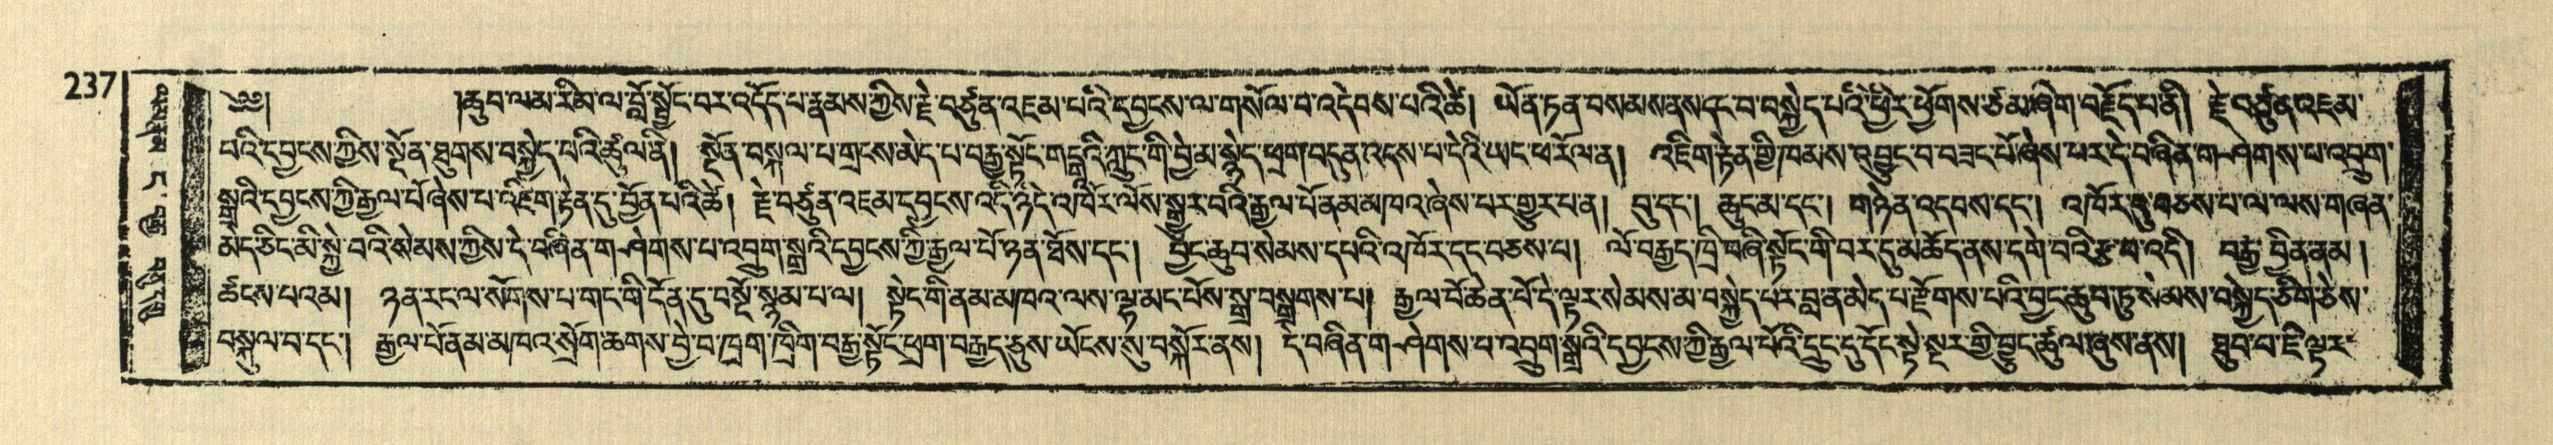༄༅། །ཆུབ་ལམ་རིམ་ལ་བློ་སྦྱོང་བར་འདོད་པ་རྣམས་ཀྱིས་རྗེ་བཙུན་འཇམ་པའི་དབྱངས་ལ་གསོལ་བ་འདེབས་པའི་ཚེ། ཡོན་ཏན་བསམས་ནས་དང་བ་བསྐྱེད་པའི་ཕྱིར་ཕྱོགས་ཙམ་ཞིག་བརྗོད་པ་ནི། རྗེ་བཙུན་འཇམ་
པའི་དབྱངས་ཀྱིས་སྔོན་ཐུགས་བསྐྱེད་པའི་ཚུལ་ནི། སྔོན་བསྐལ་པ་གྲངས་མེད་པ་བརྒྱ་སྟོང་གངྒཱའི་ཀླུང་གི་བྱེ་མ་སྙེད་ཕྲག་བདུན་འདས་པ་དེའི་ཡང་ཕ་རོལ་ན། འཇིག་རྟེན་གྱི་ཁམས་འབྱུང་བ་བཟང་པོ་ཞེས་པར་དེ་བཞིན་གཤེགས་པ་འབྲུག་
སྒྲའི་དབྱངས་ཀྱི་རྒྱལ་པོ་ཞེས་པ་འཇིག་རྟེན་དུ་བྱོན་པའི་ཚེ། རྗེ་བཙུན་འཇམ་དབྱངས་འདི་ཉིད་འཁོར་ལོས་སྒྱུར་བའི་རྒྱལ་པོ་ནམ་མཁའ་ཞེས་པར་གྱུར་པ་ན། བུ་དང་། ཆུང་མ་དང་། གཉེན་འདབས་དང་། འཁོར་དུ་བཅས་པ་ལ་ལས་གཞན་
མེད་ཅིང་མི་སྐྱེ་བའི་སེམས་ཀྱིས་དེ་བཞིན་གཤེགས་པ་འབྲུག་སྒྲའི་དབྱངས་ཀྱི་རྒྱལ་པོ་ཉན་ཐོས་དང་། བྱང་ཆུབ་སེམས་དཔའི་འཁོར་དང་བཅས་པ། ལོ་བརྒྱད་ཁྲི་བཞི་སྟོང་གི་བར་དུ་མཆོད་ནས་དགེ་བའི་རྩ་བ་འདི། བརྒྱ་བྱིན་ནམ།
ཚངས་པའམ། ཉན་རང་ལ་སོགས་པ་གང་གི་དོན་དུ་བསྔོ་སྙམ་པ་ལ། སྟེང་གི་ནམ་མཁའ་ལས་ལྷ་མང་པོས་སྒྲ་བསྒྲགས་པ། རྒྱལ་པོ་ཆེན་པོ་དེ་ལྟར་སེམས་མ་བསྐྱེད་པར་བླ་ན་མེད་པར་རྫོགས་པའི་བྱང་ཆུབ་ཏུ་སེམས་བསྐྱེད་ཅིག་ཅེས་
བསྐུལ་བ་དང་། རྒྱལ་པོ་ནམ་མཁའ་སྲོག་ཆགས་བྱེ་བ་ཁྲག་ཁྲིག་བརྒྱ་སྟོང་ཕྲག་བརྒྱད་ཅུས་ཡོངས་སུ་བསྐོར་ནས། དེ་བཞིན་གཤེགས་པ་འབྲུག་སྒྲའི་དབྱངས་ཀྱི་རྒྱལ་པོའི་དྲུང་དུ་དོང་སྟེ་སྔར་གྱི་བྱུང་ཚུལ་ཞུས་ནས། ཐུབ་བ་ཇི་ལྟར་